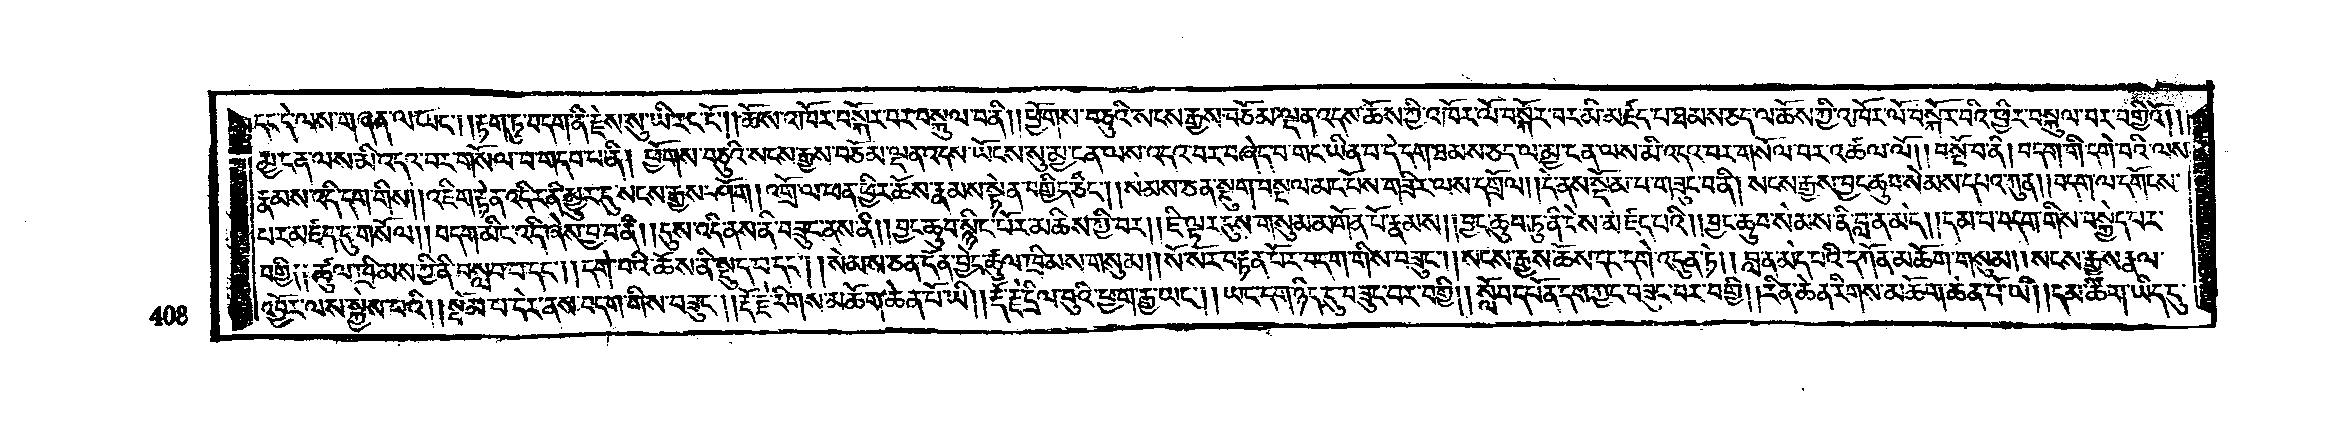དང་དེ་ལས་གཞན་ལ་ཡང་། །རྟག་ཏུ་བདག་ནི་རྗེས་སུ་ཡི་རང་ངོ། །ཆོས་འཁོར་བསྐོར་བར་བསྐུལ་བ་ནི། །ཕྱོགས་བཅུའི་སངས་རྒྱས་བཅོམ་ལྡན་འདས་ཆོས་ཀྱི་འཁོར་ལོ་བསྐོར་བར་མི་མཛད་པ་ཐམས་ཅད་ལ་ཆོས་ཀྱི་འཁོར་ལོ་བསྐོར་བའི་ཕྱིར་བསྐུལ་བར་བགྱིའོ། །
མྱ་ངན་ལས་མི་འདའ་བར་གསོལ་བ་གདབ་པ་ནི། ཕྱོགས་བཅུའི་སངས་རྒྱས་བཅོམ་ལྡན་འདས་ཡོངས་སུ་མྱ་ངན་ལས་འདའ་བར་བཞེད་པ་གང་ཡིན་པ་དེ་དག་ཐམས་ཅད་ལ་མྱ་ངན་ལས་མི་འདའ་བར་གསོལ་བར་འཚལ་ལོ། །བསྔོ་བ་ནི། བདག་གི་དགེ་བའི་ལས་
རྣམས་འདི་དག་གིས། །འཇིག་རྟེན་འདིར་ནི་མྱུར་དུ་སངས་རྒྱས་ཤོག །འགྲོ་ལ་ཕན་ཕྱིར་ཆོས་རྣམས་སྟེན་བགྱིད་ཅིང་། །སེམས་ཅན་སྡུག་བསྔལ་མང་པོས་གཟིར་ལས་དགྲོལ། །དེ་ནས་སྡོམ་པ་གཟུང་བ་ནི། སངས་རྒྱས་བྱང་ཆུབ་སེམས་དཔའ་ཀུན། །བདག་ལ་དགོངས་
པར་མཛད་དུ་གསོལ། །བདག་མིང་འདི་ཞེས་བྱ་བ་ནི། །དུས་འདི་ནས་ནི་བཟུང་ནས་ནི། །བྱང་ཆུབ་སྙིང་པོར་མཆིས་ཀྱི་བར། །ཇི་ལྟར་དུས་གསུམ་མགོན་པོ་རྣམས། །བྱང་ཆུབ་ཏུ་ནི་ངེས་མཛད་པའི། །བྱང་ཆུབ་སེམས་ནི་བླ་ན་མེད། །དམ་པ་བདག་གིས་བསྐྱེད་པར་
བགྱི༑ ༑ཚུལ་ཁྲིམས་ཀྱི་ནི་བསླབ་པ་དང་། །དགེ་བའི་ཆོས་ནི་སྡུད་པ་དང་། །སེམས་ཅན་དོན་བྱེད་ཚུལ་ཁྲིམས་གསུམ། །སོ་སོར་བརྟན་པོར་བདག་གིས་བཟུང་། །སངས་རྒྱས་ཆོས་དང་དགེ་འདུན་ཏེ། །བླ་ན་མེད་པའི་དཀོན་མཆོག་གསུམ། །སངས་རྒྱས་རྣལ་
འབྱོར་ལས་སྐྱེས་པའི། །སྡོམ་པ་དེར་ནས་བདག་གིས་བཟུང་། །རྡོ་རྗེ་རིགས་མཆོག་ཆེན་པོ་ཡི། །རྡོ་རྗེ་དྲིལ་བུའི་ཕྱག་རྒྱ་ཡང་། །ཡང་དག་ཉིད་དུ་བཟུང་བར་བགྱི། །སློབ་དཔོན་དག་ཀྱང་བཟུང་བར་བགྱི། །རིན་ཆེན་རིགས་མཆོག་ཆེན་པོ་ཡི། །དམ་ཚིག་ཡིད་དུ་